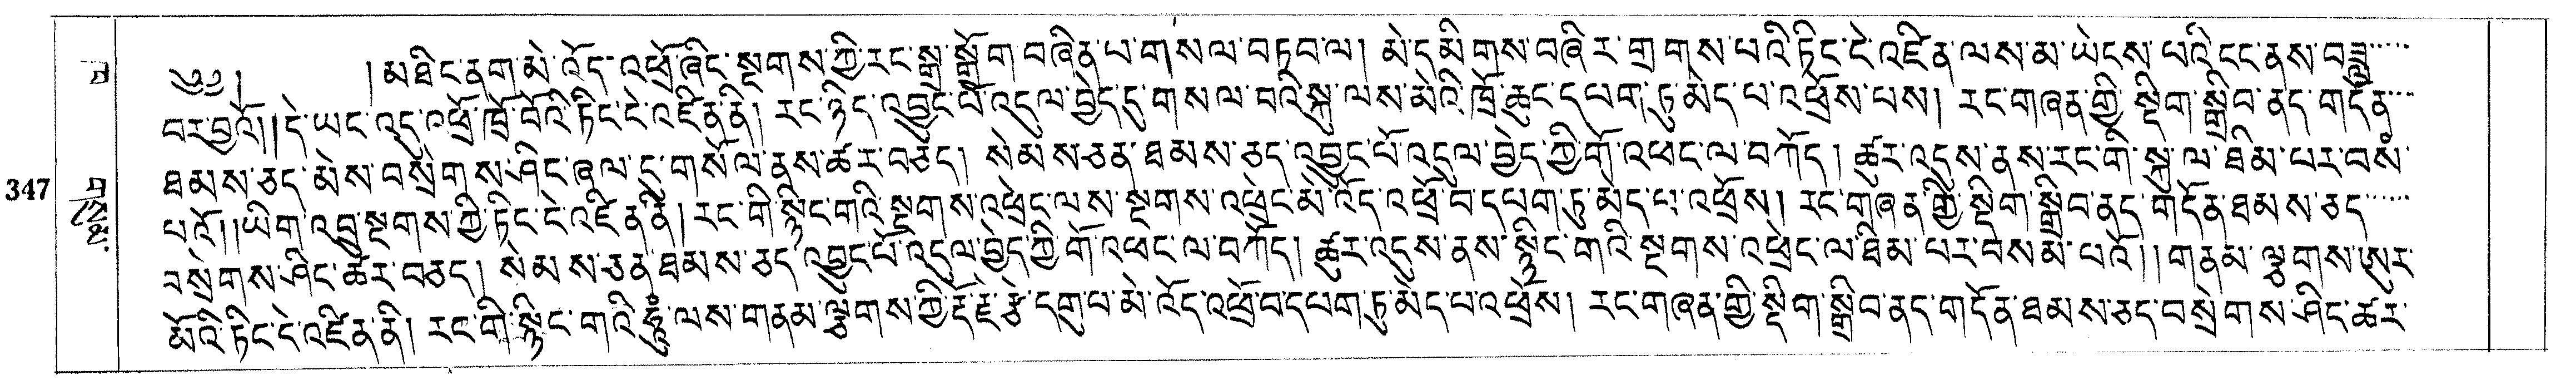༄༅། །མཐིང་ནག་མེ་འོད་འཕྲོ་ཞིང་སྔགས་ཀྱི་རང་སྒྲ་སྒྲོག་བཞིན་པ་གསལ་བཏབ་ལ། མེ་དམིགས་བཞིར་གྲགས་པའི་ཏིང་ངེ་འཛིན་ལས་མ་ཡེངས་པའི་ངང་ནས་བཟླ་
བར་བྱའོ། །དེ་ཡང་འདུ་འཕྲོ་ཁྲོ་བོའི་ཏིང་ངེ་འཛིན་ནི། རང་ཉིད་འབྱུང་པོ་འདུལ་བྱེད་དུ་གསལ་བའི་སྐུ་ལས་མེའི་ཁྲོ་ཆུང་དཔག་ཏུ་མེད་པ་འཕྲོས་པས། རང་གཞན་གྱི་སྡིག་སྒྲིབ་ནད་གདོན་
ཐམས་ཅད་མེས་བསྲེགས་ཤིང་ཞལ་དུ་གསོལ་ནས་ཚར་བཅད། སེམས་ཅན་ཐམས་ཅད་འབྱུང་པོ་འདུལ་བྱེད་ཀྱི་གོ་འཕང་ལ་བཀོད། ཚུར་འདུས་ནས་རང་གི་སྐུ་ལ་ཐིམ་པར་བསཾ་
པའོ། །ཡིག་འབྲུ་སྔགས་ཀྱི་ཏིང་ངེ་འཛིན་ནི། རང་གི་སྙིང་གའི་སྔགས་འཕྲེང་ལས་སྔགས་འཕྲེང་མེ་འོད་འཕྲོ་བ་དཔག་ཏུ་མེད་པ་འཕྲོས། རང་གཞན་གྱི་སྡིག་སྒྲིབ་ནད་གདོན་ཐམས་ཅད་
བསྲེགས་ཤིང་ཚར་བཅད། སེམས་ཅན་ཐམས་ཅད་འབྱུང་པོ་འདུལ་བྱེད་ཀྱི་གོ་འཕང་ལ་བཀོད། ཚུར་འདུས་ནས་སྙིང་གའི་སྔགས་འཕྲེང་ལ་ཐིམ་པར་བསམ་པའོ། །གནམ་ལྕགས་ཨུར་
མོའི་ཏིང་ངེ་འཛིན་ནི། རང་གི་སྙིང་གའི་ཧཱུཾ་ལས་གནམ་ལྕགས་ཀྱི་རྡོ་རྗེ་རྩེ་དགུ་པ་མེ་འོད་འཕྲོ་བ་དཔག་ཏུ་མེད་པ་འཕྲོས། རང་གཞན་གྱི་སྡིག་སྒྲིབ་ནད་གདོན་ཐམས་ཅད་བསྲེགས་ཤིང་ཚར་